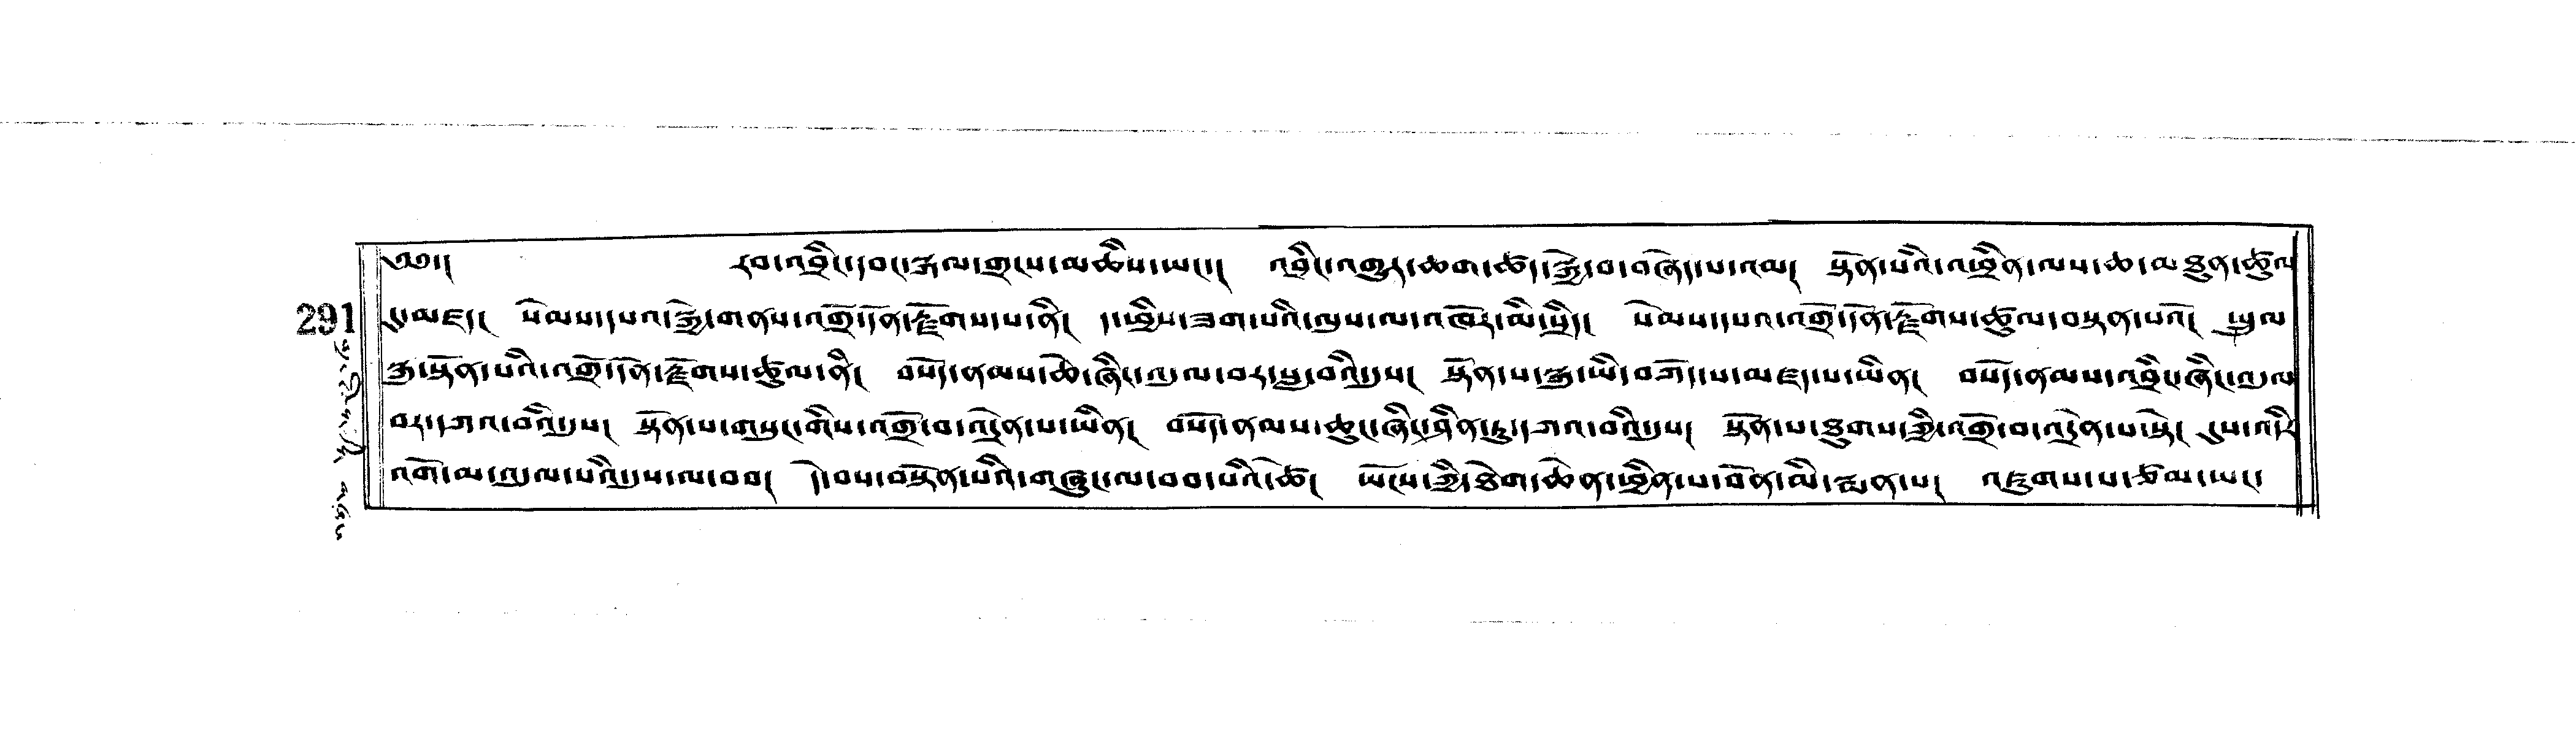རབ་འབྲིང་དབང་སྐལ་གྲངས་མཆིས་ཡང་། འབྲིང་འགྱུར་ཆག་ཚད་སྐྱེ་བ་བཞེད་པའམ། སྟོན་པའི་འཕྲིན་ལས་ཆ་མཐུན་ཚུལ་
དུ་མཛད། སེམས་དཔའ་སྐྱེ་གནས་འགྲོ་དོན་རྫོགས་པ་ནི། ད་ཕྱིས་ཟག་པའི་ལུས་ལ་འཁོར་མི་སྲིད། སེམས་དཔའ་འགྲོ་དོན་རྫོགས་ཚུལ་བསྟན་པའོ། སྤྲུལ་
སྐུ་སྟོན་པའི་འགྲོ་དོན་རྫོགས་ཚུལ་ནི། བསོད་ནམས་ཆེ་ཞིང་འདུལ་བར་སླ་བའི་དུས། སྟོན་པ་སྐུ་ཡི་བཀོད་པ་མཛད་པ་ཡིན། བསོད་ནམས་འབྲིང་ཞིང་འདུལ་
བར་དཀའ་བའི་དུས། སྟོན་པ་གསུང་གིས་འགྲོ་བ་འདྲེན་པ་ཡིན། བསོད་ནམས་ཆུང་ཞིང་ཤིན་ཏུ་དཀའ་བའི་དུས། སྟོན་པ་ཐུགས་ཀྱི་འགྲོ་བ་འདྲེན་པ་སྟེ། དུས་འདིར་
འགོ་མ་འདུལ་བའི་དུས་ལ་བབ། དེ་བས་སྟོན་པའི་གཞུང་ལ་བབ་པའི་ཚེ། ཡོངས་ཀྱི་ཐེག་ཆེན་ཕྱིན་པ་བོན་མི་སྨན་པ། འཇུག་པ་ཙམ་ཡང་